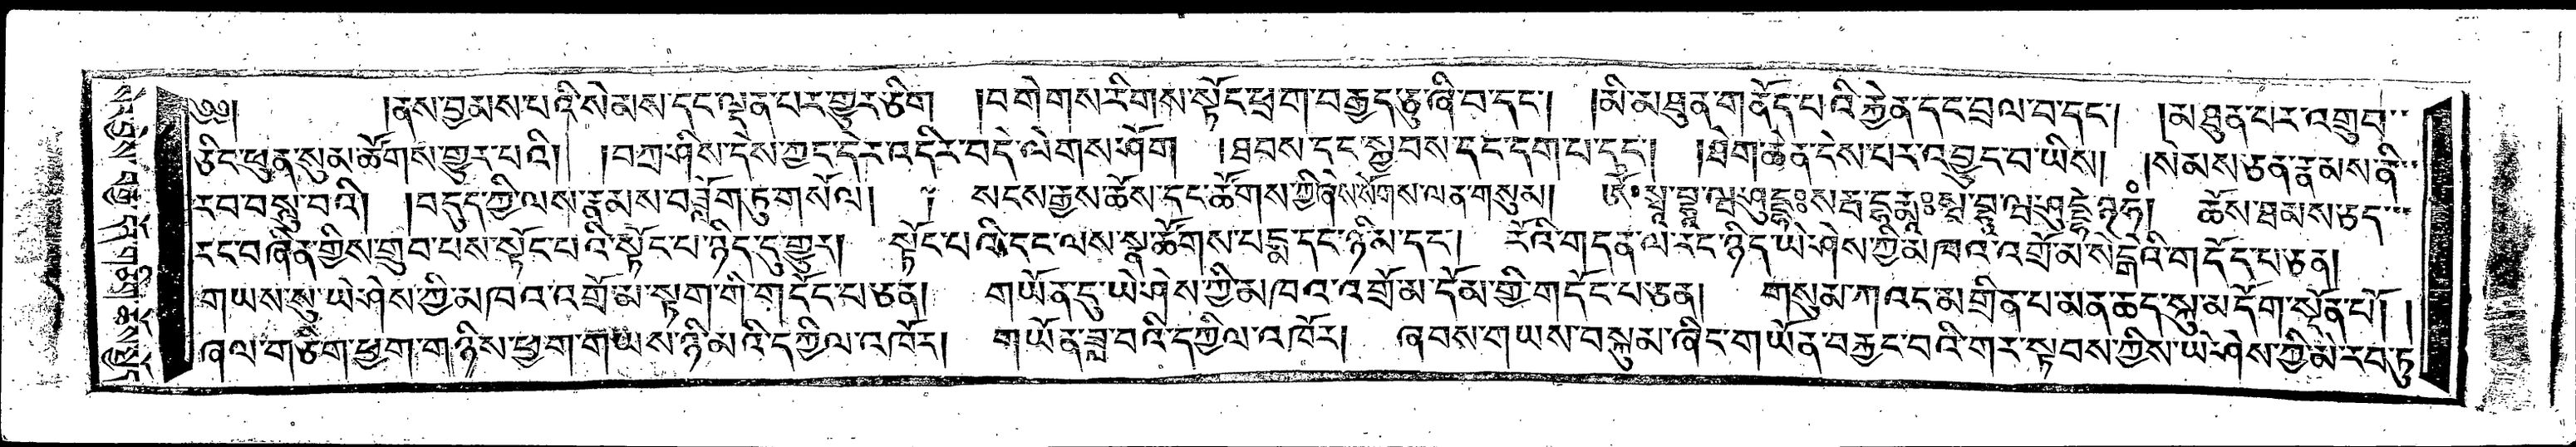༄༅། །ནས་བྱམས་པའི་སེམས་དང་ལྡན་པར་གྱུར་ཅིག །བགེགས་རིགས་སྟོང་ཕྲག་བརྒྱད་ཅུ་ཞི་བ་དང་། །མི་མཐུན་གནོད་པའི་རྐྱེན་དང་བྲལ་བ་དང་། །མཐུན་པར་འགྲུབ་
ཅིང་ཕུན་སུམ་ཚོགས་གྱུར་པའི། །བཀྲ་ཤིས་དེས་ཀྱང་དེར་འདིར་བདེ་ལེགས་ཤོག །ཐབས་དང་སྐྱབས་དང་དག་པ་དང་། །ཐེག་ཆེན་ངེས་པར་འབྱུང་བ་ཡིས། །སེམས་ཅན་རྣམས་ནི་
རབ་བསླུ་བའི། །བདུད་ཀྱི་ལས་རྣམས་བཟློག་ཏུ་གསོལ། ༈ སངས་རྒྱས་ཆོས་དང་ཚོགས་ཀྱི་ཞེས་སོགས་ལན་གསུམ། ཨོཾ་སྭཱ་བྷཱ་ཝ་ཤུདྡྷཿ སརྦ་དྷརྨཱཿ སྭ་བྷཱ་ཝ་ཤུདྡྷེ་ཉ་ཧཾ། ཆོས་ཐམས་ཅད་
རང་བཞིན་གྱིས་གྲུབ་པས་སྟོང་པའི་སྟོང་པ་ཉིད་དུ་གྱུར། སྟོང་པའི་ངང་ལས་སྣ་ཚོགས་པདམ་དང་ཉི་མ་དང་། རོའི་གདན་ལ་རང་ཉིད་ཡེ་ཤེས་ཀྱི་མཁའ་འགྲོ་མ་སེངྒེའི་གདོང་པ་ཅན།
གཡས་སུ་ཡེ་ཤེས་ཀྱི་མཁའ་འགྲོ་མ་སྟག་གི་གདོང་པ་ཅན། གཡོན་དུ་ཡེ་ཤེས་ཀྱི་མཁའ་འགྲོ་མ་དོམ་གྱི་གདོང་པ་ཅན། གསུམ་ཀའང་མགྲིན་པ་མན་ཆད་སྐུ་མདོག་སྔོན་པོ། །
ཞལ་གཅིག་ཕྱག་གཉིས་ཕྱག་གཡས་ཉི་མའི་དཀྱིལ་འཁོར། གཡོན་ཟླ་བའི་དཀྱིལ་འཁོར། ཞབས་གཡས་བསྐུམ་ཞིང་གཡོན་བརྐྱང་བའི་གར་སྟབས་ཀྱིས་ཡེ་ཤེས་ཀྱི་མེ་རབ་ཏུ་